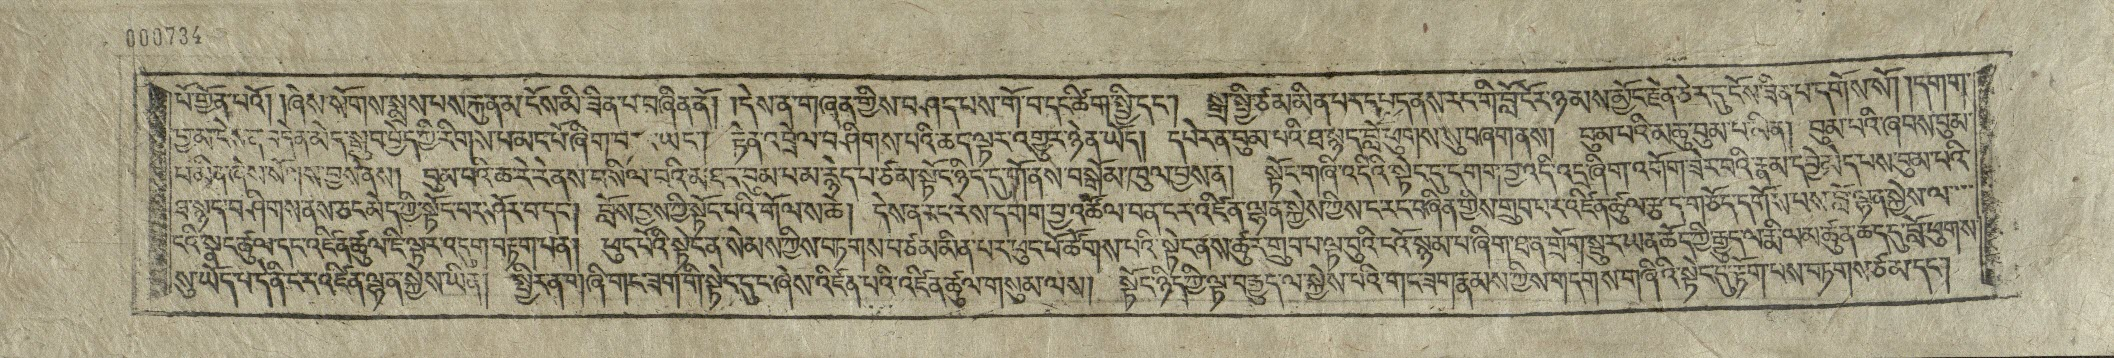པོ་གྱོན་པའོ། །ཞེས་སོགས་སྨྲས་པས་རྐུན་མ་ངོས་མི་ཟིན་པ་བཞིན་ནོ། །དེས་ན་གཞན་གྱིས་བཤད་པས་གོ་བ་དང་ཚིག་སྤྱི་དང་། སྒྲ་སྤྱི་ཙམ་མིན་པར་དཔྱད་ནས་རང་གི་བློ་ངོར་ཉམས་མྱོང་རྗེན་ཅེར་དུ་ངོས་ཟིན་པ་དགོས་སོ། །དགག་
བྱ་མ་ངེས་ན་བདེན་མེད་སྒྲུབ་བྱེད་ཀྱི་རིགས་པ་མང་པོ་ཞིག་བཏང་ཡང་། རྟེན་འབྲེལ་བཤིགས་པའི་ཆད་ལྟར་འགྱུར་ཉེན་ཡོད། དཔེར་ན་བུམ་པའི་ཐ་སྙད་བློ་ཕུགས་སུ་བཞག་ནས། བུམ་པའི་མཆུ་བུམ་པ་མིན། བུམ་པའི་ཞབས་བུམ་
པ་མིན་ཞེས་སོགས་བྱས་ནས། བུམ་པའི་ཆ་རེ་རེ་ནས་བསིལ་བའི་མཐར་བུམ་པ་མ་རྙེད་པ་ཙམ་སྟོང་ཉིད་དུ་གོ་ནས་བསྒོམ་ཁུལ་བྱས་ན། སྟོང་གཞི་འདིའི་སྟེང་དུ་དགག་བྱ་འདི་འདྲ་ཞིག་འགོག་ཟེར་བའི་རྣམ་དབྱེ་མེད་པས་བུམ་པའི་
ཐ་སྙད་བཤིགས་ནས་ཅང་མེད་ཀྱི་སྟོང་པར་ཤོར་བ་དང་། བློས་བྱས་ཀྱི་སྟོང་པའི་གོལ་ས་ཆེ། དེས་ན་རང་རེས་དགག་བྱ་འཚོལ་བ་ན་ངར་འཛིན་ལྷན་སྐྱེས་ཀྱིས་ང་རང་བཞིན་གྱིས་གྲུབ་པར་འཛིན་ཚུལ་རྩད་གཅོད་དགོས་པས་བློ་ལྷན་སྐྱེས་ལ་
ངའི་སྣང་ཚུལ་དང་འཛིན་ཚུལ་ཇི་ལྟར་འདུག་བརྟག་པ་ན། ཕུང་པོའི་སྟེང་ན་སེམས་ཀྱིས་བཏགས་པ་ཙམ་མིན་པར་ཕུང་པོ་ཚོགས་པའི་སྟེང་ནས་ཚུར་གྲུབ་པ་ལྟ་བུའི་ངོའོ་སྙམ་པ་ཞིག་ཐ་ན་གྲོག་སྦུར་ཡན་ཆོད་ཀྱི་རྒྱུད་ལ་རྨི་ལམ་ཚུན་ཆད་དུ་བློ་ཕུགས་
སུ་ཡོད་པ་དེ་ནི་ངར་འཛིན་ལྷན་སྐྱེས་ཡིན། སྤྱིར་ན་གཞི་གང་ཟག་གི་སྟེང་དུ་ང་ཞེས་འཛིན་པའི་འཛིན་ཚུལ་གསུམ་ལས། སྟོང་ཉིད་ཀྱི་ལྟ་བརྒྱུད་ལ་སྐྱེས་པའི་གང་ཟག་རྣམས་ཀྱིས་གདགས་གཞིའི་སྟེང་དུ་རྟོག་པས་བཏགས་ཙམ་དང་།